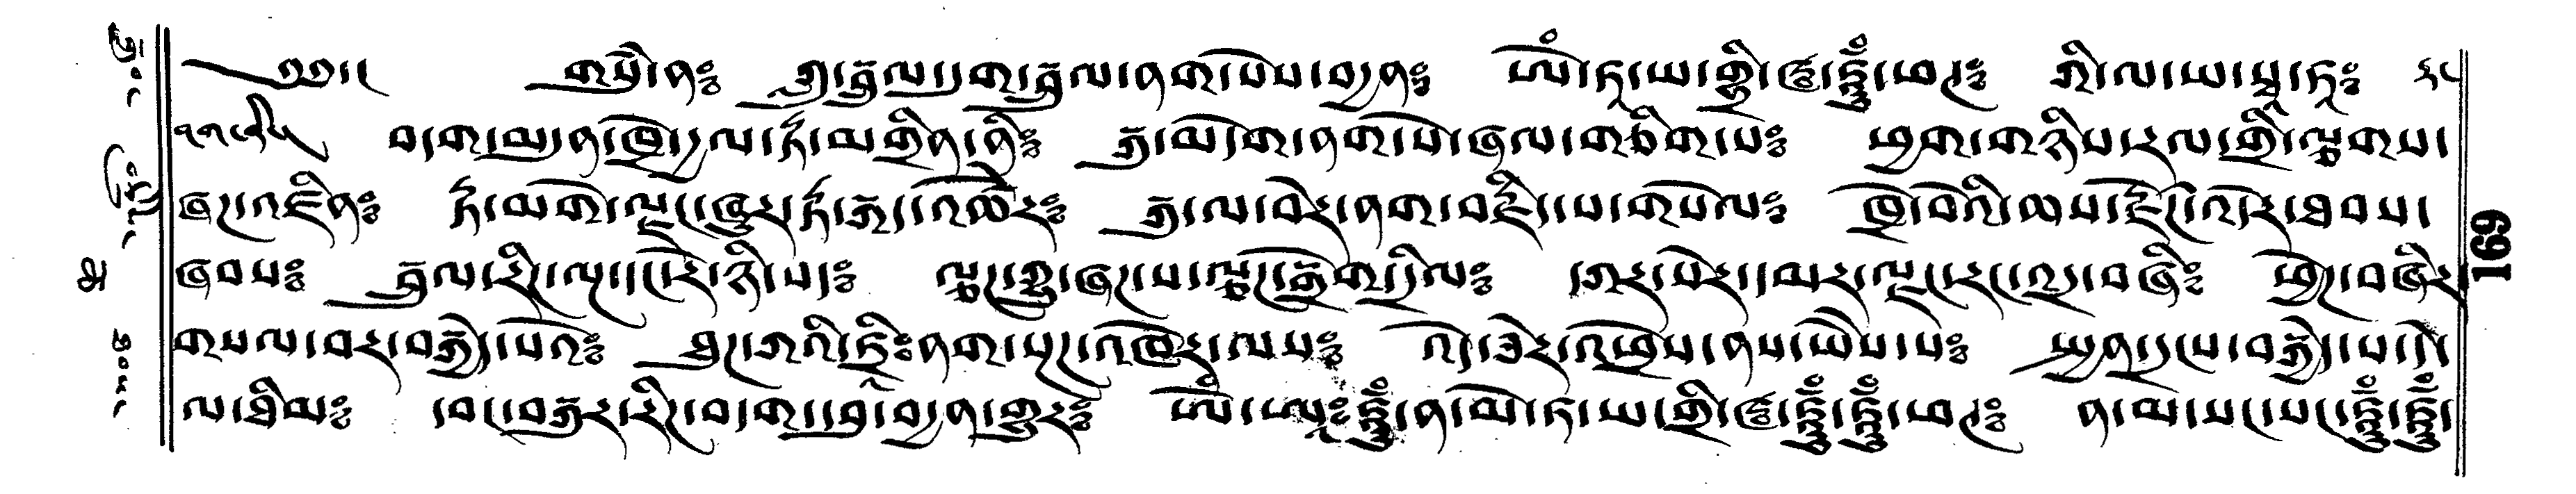གསུམ་ན༔ ཀླུ་སྦྲུལ་དུག་སྦྲུལ་ནག་པོས་བརྒྱན༔ ཨོཾ་ཧཱ་ཡ་གྷྲི་ཝ་ཧཱུྃ་ཕཊ༔ ཀི་ལ་ཡ་སྭཱ་ཧཱ༔ རྟ་
ནག་ནི། བདག་མདུན་ཁྲོ་རྒྱལ་རྟ་མགྲིན་ནི༔ སྐུ་མདོག་ནག་པོ་ཞལ་གཅིག་པ༔ ཕྱག་གཉིས་རལ་གྲི་ལྕགས་
ཞགས་འཛིན༔ རྟ་མགོ་ལྗང་ཞུར་རྟ་སྐད་འཚེར༔ སྐུ་ལ་བེར་ནག་བརྗིད་པ་གསོལ༔ ཁྲོ་བོའི་ཆས་རྫོགས་དོར་སྟབས་
ཞབས༔ སྦྲུལ་རིགས་ལྔ་དང་རོ་ཉི་པད༔ ལྕགས་ཀྱུ་ཞགས་པ་ལྕགས་སྒྲོག་དྲིལ༔ དཀར་སེར་དམར་ལྗང་རང་འདྲ་བཞི༔ ཕྱོགས་བཞིར་
གསལ་བར་བསྐྱེད་པའོ༔ ཐུགས་ཀའི་ཧྲཱིཿནག་སྔགས་འཁོར་ལས༔ འོད་ཟེར་འཕྲོས་ནས་ཡེ་ཤེས་པ༔ སྤྱན་དྲངས་བསྐྱེད་པ་དེ་
ལ་ཐིམ༔ དབང་བསྐུར་རིགས་བདག་དབུ་བརྒྱན་གྱུར༔ ཨོཾ་ཨཱཿཧཱུྃ་ན་མོ་ཧ་ཡ་གྲི་ཝ་ཧཱུྃ་ཧཱུྃ་ཕཊ༔ ན་མ་སང་སང་ཧྃའུ་ཧཱུྃ་